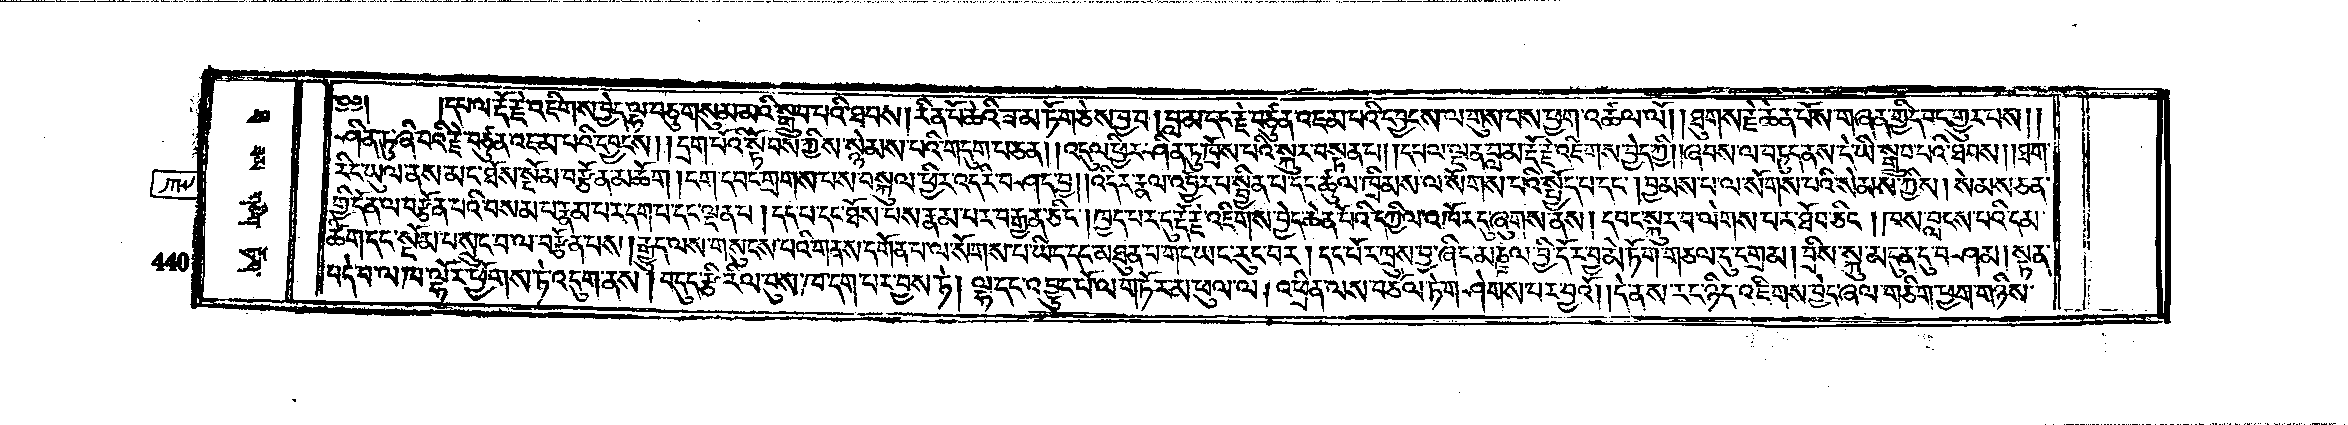༄༅། །དཔལ་རྡོ་རྗེ་འཇིགས་བྱེད་ལྷ་བཅུ་གསུམ་མའི་སྒྲུབ་པའི་ཐབས། རིན་པོ་ཆེའི་ཟ་མ་ཏོག་ཅེས་བྱ་བ། བླ་མ་དང་རྗེ་བཙུན་འཇམ་པའི་དབྱངས་ལ་གུས་པས་ཕྱག་འཚལ་ལོ། །ཐུགས་རྗེ་ཆེན་པོས་གཞན་གྱི་དབང་གྱུར་པས། །
ཤིན་ཏུ་ཞི་བའི་རྗེ་བཙུན་འཇམ་པའི་དབྱངས། །དྲག་པོའི་སྟོབས་ཀྱིས་སྙེམས་པའི་གདུག་པ་ཅན། །འདུལ་ཕྱིར་ཤིན་ཏུ་ཁྲོས་པའི་སྐུར་བསྟན་པ། །དཔལ་ལྡན་བླ་མ་རྡོ་རྗེ་འཇིགས་བྱེད་ཀྱི། །ཞབས་ལ་བཏུད་ནས་དེ་ཡི་སྒྲུབ་པའི་ཐབས། །ཐག་
རིང་ཡུལ་ནས་མང་ཐོས་སྡོམ་བརྩོན་མཆོག །ངག་དབང་གྲགས་པས་བསྐུལ་ཕྱིར་འདིར་བཤད་བྱ། །འདིར་རྣལ་འབྱོར་བ་སྦྱིན་པ་དང་ཚུལ་ཁྲིམས་ལ་སོགས་པའི་སྤྱོད་པ་དང་། བྱམས་པ་ལ་སོགས་པའི་སེམས་ཀྱིས། སེམས་ཅན་
གྱི་དོན་ལ་བརྩོན་པའི་བསམ་པ་རྣམ་པར་དག་པ་དང་ལྡན་པ། དད་པ་དང་ཐོས་པས་རྣམ་པར་བརྒྱན་ཅིང་། ཁྱད་པར་དུ་རྡོ་རྗེ་འཇིགས་བྱེད་ཆེན་པོའི་དཀྱིལ་འཁོར་དུ་ཞུགས་ནས། དབང་སྐུར་བ་ལེགས་པར་ཐོབ་ཅིང་། ཁས་བླངས་པའི་དམ་
ཚིག་དང་སྡོམ་པ་སྲུང་བ་ལ་བརྩོན་པས། རྒྱུད་ལས་གསུངས་པའི་གནས་དགོན་པ་ལ་སོགས་པ་ཡིད་དང་མཐུན་པ་གང་ཡང་རུང་བར། དང་པོར་ཁྲུས་བྱ་ཞིང་མཎྜལ་བྱི་དོར་བྱ་མེ་ཏོག་གཅལ་དུ་དགྲམ། བྲིས་སྐུ་མདུན་དུ་བཤམ། སྟན་
བདེ་བ་ལ་ཁ་ལྷོར་ཕྱོགས་ཏེ་འདུག་ནས། བདུད་རྩི་རིལ་བུས་ཁ་དག་པར་བྱས་ཏེ། ལྷ་དང་འབྱུང་པོ་ལ་གཏོར་མ་ཕུལ་ལ། འཕྲིན་ལས་བཅོལ་ཏེ་གཤེགས་པར་བྱའོ། །དེ་ནས་རང་ཉིད་འཇིགས་བྱེད་ཞལ་གཅིག་ཕྱག་གཉིས་